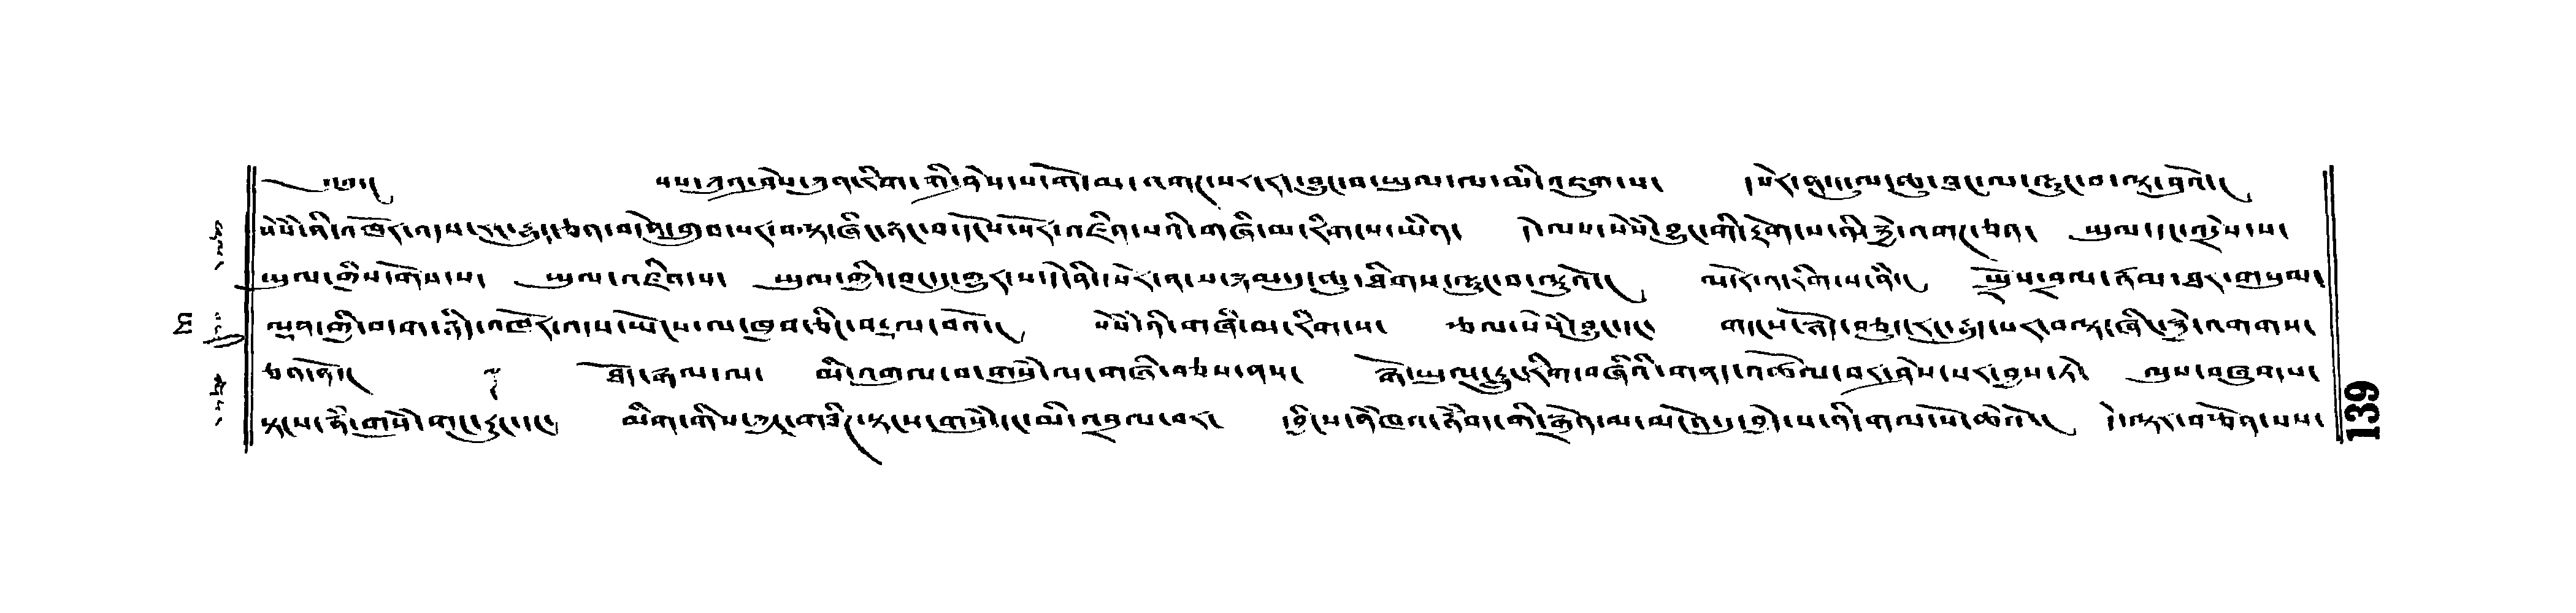པས་ཀུན་ཤེས་ཀུན་རིག་གི་ཤེས་པ་གོ་མ་འགགས་པར་རང་བྱུང་བ། ཡུལ་ལ་མི་འཇུག་པ། དཔེར་ན་དངུལ་ཆུ་ཐང་ལ་ལྷུང་བ་ལྟ་བུའོ། 
སེམས་ནི་འཁོར་འདས་རང་རྒྱུད་ཅན་བདེན་གྲུབ་པར་བལྟ་ཞིང་སྣང་བ་དངོས་པོར་འཛིན་པའི་གཞི་མ་རིག་པ་ཡིན། དེ་ལས་སེམས་བྱུང་གི་རྟོག་པ་ནི་སྐྱེ་འགག་ཅན། ཡུལ་དང་འདྲེས་པ། 
ཡུལ་གྱིས་དགོས་པ། ཡུལ་འཛིན་པ། ཡུལ་གྱི་དབང་དུ་གྱུར་པ་དེ་ནི་དཔེར་ན་ས་སྐམ་དུ་ཆུ་ཐིགས་ལྷུང་བ་ལྟ་བུའོ། མདོར་ན་རིག་པ་ནི། སྤྲོས་བྲལ་རྣམ་ཐར་གསུམ་
ལྡན་གྱི་བདག་ཉིད་འཁོར་འདས་ཡོངས་ལ་ཁྱབ་ཅིང་བརྡལ་བའོ། སེམས་ནི་གཞི་མ་རིག་པ། རྩལ་སེམས་བྱུང་དང་། གདངས་སྣོད་བཅུད་རང་རྒྱུད་པར་བལྟ་ཞིང་སྐྱེ་འགག་
ཅན་ནོ། ༈ ཐོད་སྒལ་ལ། མི་འགུལ་བ་གསུམ་ལ་གཞི་བཅས་ནས། སྒོ་ཡུལ་རླུང་རིག་བཞིའི་གནད་འཚོལ་བར་ཤེས་པར་བྱས་ཏེ། ལུས་བཞུགས་
སྟངས་རྣམ་གསུམ་གང་རུང་དང་། མིག་གིས་ཀྱང་གཟིགས་སྟངས་གསུམ་དང་མི་འབྲལ་བར། དབྱིངས་ནམ་མཁའ་རྣམ་དག་གི་སྒྲོན་མ་མངོན་དུ་བྱེད་པ་ནི་གལ་པོ་ཆེའོ། དེ་ལྟར་བརྩོན་པས་